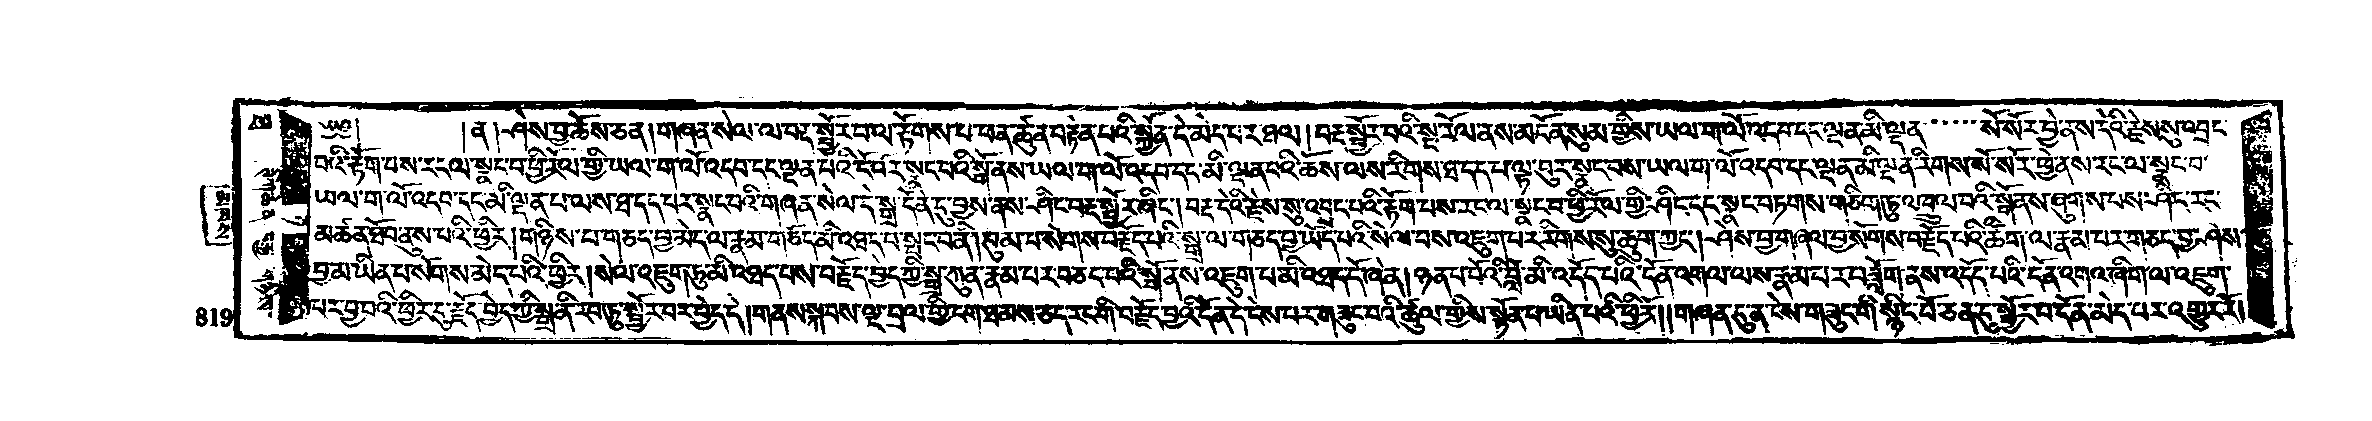༄༅། །ན༑ ཤེས་བྱ་ཆོས་ཅན། གཞན་སེལ་ལ་བརྡ་སྦྱོར་བ་ལ་རྟོགས་པ་ཕན་ཚུན་བརྟེན་པའི་སྐྱོན་དེ་མེད་པར་ཐལ། བརྡ་སྦྱོར་བའི་སྔ་རོལ་ནས་མངོན་སུམ་གྱིས་ཡལ་ག་ལོ་འདབ་དང་ལྡན་མི་ལྡན་སོ་སོར་བྱེད་ནས་དེའི་རྗེས་སུ་འབྲང་
བའི་རྟོག་པས་རང་ལ་སྣང་བ་ཕྱི་རོལ་གྱི་ཡལ་ག་ལོ་འདབ་དང་ལྡན་པའི་ངོ་བོར་སྣང་བའི་སྒོ་ནས་ཡལ་ག་ལོ་འདབ་དང་མི་ལྡན་པའི་ཆོས་ལས་རིགས་ཐ་དད་པ་ལྟ་བུར་སྣང་བས་ཡལ་ག་ལོ་འདབ་དང་ལྡན་མི་ལྡན་རིགས་སོ་སོར་ཕྱེ་ནས་རང་ལ་སྣང་བ་
ཡལ་ག་ལོ་འདབ་དང་མི་ལྡན་པ་ལས་ཐ་དད་པར་སྣང་བའི་གཞན་སེལ་དེ་སྒྲ་དོན་དུ་བྱས་ནས་ཤིང་བརྡ་སྦྱོར་ཞིང་། བརྡ་དེའི་རྗེས་སུ་འབྲང་བའི་རྟོག་པས་རང་ལ་སྣང་བ་ཕྱི་རོལ་གྱི་ཤིང་དང་སྣང་བཏགས་གཅིག་ཏུ་འཁྲུལ་བའི་སྒོ་ནས་ཞུགས་པས་ཤིང་རང་
མཚན་ཐོབ་ནུས་པའི་ཕྱིར། གཉིས་པ་གཅད་བྱ་མེད་ལ་རྣམ་གཅོད་མི་འཐད་པ་སྤང་བ་ནི། བུམ་པ་སོགས་བརྗོད་པའི་སྒྲ་ལ་གཅད་བྱ་ཡོད་པའི་སེལ་བས་འཇུག་པར་རིགས་སུ་ཆུག་ཀྱང་། ཤེས་བྱ་གཞལ་བྱ་སོགས་བརྗོད་པའི་ཚིག་ལ་རྣམ་པར་གཅད་བྱ་ཤེས་
བྱ་མ་ཡིན་པ་སོགས་མེད་པའི་ཕྱིར། སེལ་འཇུག་ཏུ་མི་འཐད་པས་བརྗོད་བྱེད་ཀྱི་སྒྲ་ཀུན་རྣམ་པར་བཅད་པའི་སྒོ་ནས་འཇུག་པ་མི་འཐད་དོ་ཞེ་ན། ཉན་པ་པོའི་བློ་མི་འདོད་པའི་དོན་འགལ་ལས་རྣམ་པར་བཟློག་ནས་འདོད་པའི་དོན་འགའ་ཞིག་ལ་འཇུག་
པར་བྱ་བའི་ཕྱིར་དུ་རྗོད་བྱེད་ཀྱི་སྒྲ་ནི་རབ་ཏུ་སྦྱོར་བར་བྱེད་དེ། གནས་སྐབས་ལྔ་བྲལ་གྱི་ངག་ཐམས་ཅད་རང་གི་བརྗོད་བྱའི་དོན་དེ་ངེས་པར་གཟུང་བའི་ཚུལ་གྱིས་སྟོན་པ་ཡིན་པའི་ཕྱིར་རོ། །གཞན་དུ་ན་ངེས་གཟུང་གི་སྙིང་པོ་ཅན་དུ་སྦྱོར་བ་དོན་མེད་པར་འགྱུར་རོ།